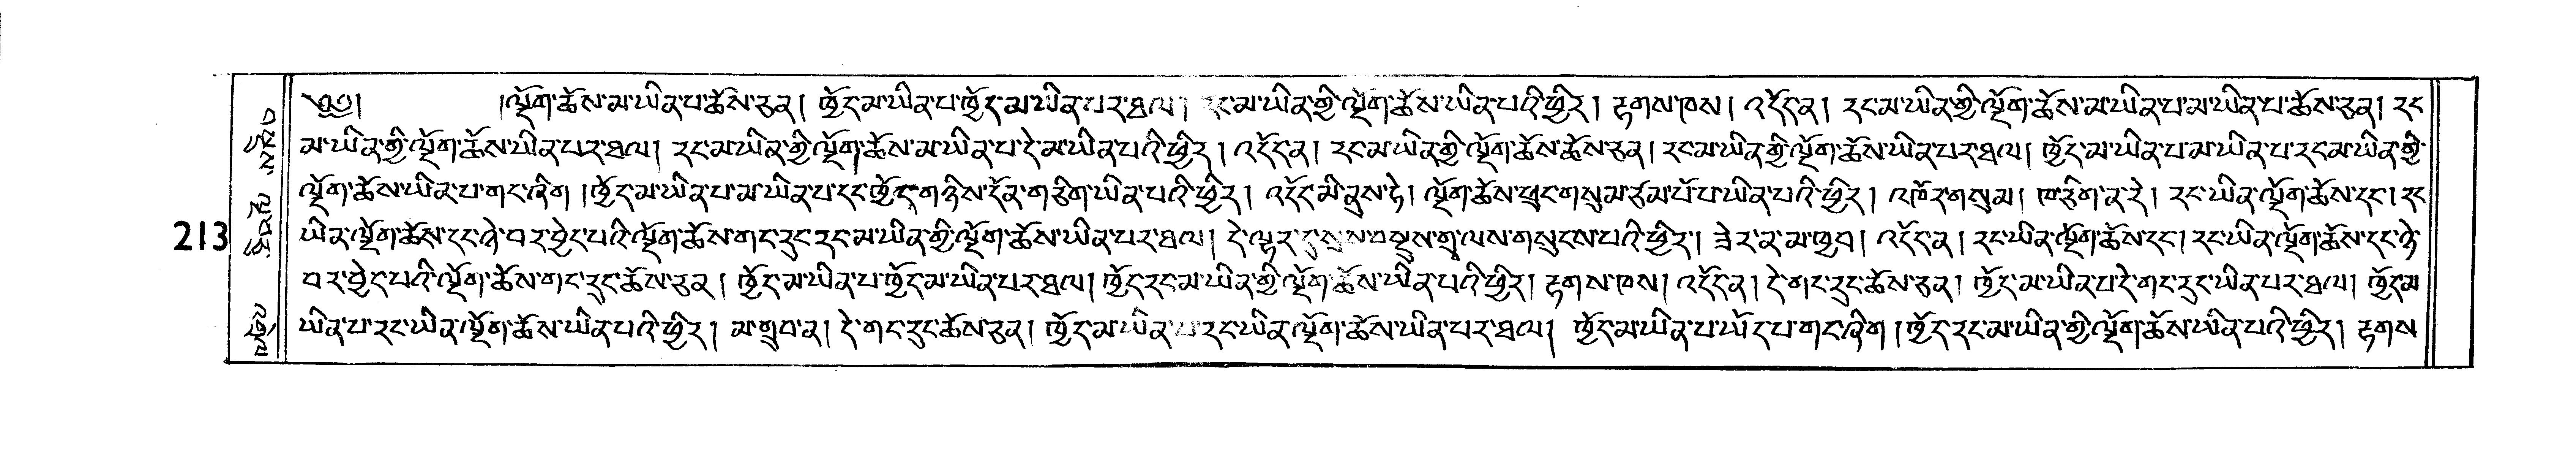༄༅། །ལྡོག་ཆོས་མ་ཡིན་པ་ཆོས་ཅན། ཁྱོད་མ་ཡིན་པ་ཁྱོད་མ་ཡིན་པར་ཐལ། རང་མ་ཡིན་གྱི་ལྡོག་ཆོས་ཡིན་པའི་ཕྱིར། རྟགས་ཁས། འདོད་ན། རང་མ་ཡིན་གྱི་ལྡོག་ཆོས་མ་ཡིན་པ་མ་ཡིན་པ་ཆོས་ཅན། རང་
མ་ཡིན་གྱི་ལྡོག་ཆོས་ཡིན་པར་ཐལ། རང་མ་ཡིན་གྱི་ལྡོག་ཆོས་མ་ཡིན་པ་དེ་མ་ཡིན་པའི་ཕྱིར། འདོད་ན། རང་མ་ཡིན་གྱི་ལྡོག་ཆོས་ཆོས་ཅན། རང་མ་ཡིན་གྱི་ལྡོག་ཆོས་ཡིན་པར་ཐལ། ཁྱོད་མ་ཡིན་པ་མ་ཡིན་པ་རང་མ་ཡིན་གྱི་
ལྡོག་ཆོས་ཡིན་པ་གང་ཞིག །ཁྱོད་མ་ཡིན་པ་མ་ཡིན་པ་དང་ཁྱོད་གཉིས་དོན་གཅིག་ཡིན་པའི་ཕྱིར། འདོད་མི་ནུས་ཏེ། ལྡོག་ཆོས་ཕུང་གསུམ་ཙམ་པོ་པ་ཡིན་པའི་ཕྱིར། འཁོར་གསུམ། ཁ་ཅིག་ན་རེ། རང་ཡིན་ལྡོག་ཆོས་དང་། རང་
ཡིན་ལྡོག་ཆོས་དང་ཉེ་བར་བྱེད་པའི་ལྡོག་ཆོས་གང་རུང་རང་མ་ཡིན་གྱི་ལྡོག་ཆོས་ཡིན་པར་ཐལ། དེ་ལྟར་དུ་སྲས་བསྡུས་གྲྭ་ལས་གསུངས་པའི་ཕྱིར། ཟེར་ན་མ་ཁྱབ། འདོད་ན། རང་ཡིན་ལྡོག་ཆོས་དང་། རང་ཡིན་ལྡོག་ཆོས་དང་ཉེ་
བར་བྱེད་པའི་ལྡོག་ཆོས་གང་རུང་ཆོས་ཅན། ཁྱོད་མ་ཡིན་པ་ཁྱོད་མ་ཡིན་པར་ཐལ། ཁྱོད་རང་མ་ཡིན་གྱི་ལྡོག་ཆོས་ཡིན་པའི་ཕྱིར། རྟགས་ཁས། འདོད་ན། དེ་གང་རུང་ཆོས་ཅན། ཁྱོད་མ་ཡིན་པ་དེ་གང་རུང་ཡིན་པར་ཐལ། ཁྱོད་མ་
ཡིན་པ་རང་ཡིན་ལྡོག་ཆོས་ཡིན་པའི་ཕྱིར། མ་གྲུབ་ན། དེ་གང་རུང་ཆོས་ཅན། ཁྱོད་མ་ཡིན་པ་རང་ཡིན་ལྡོག་ཆོས་ཡིན་པར་ཐལ། ཁྱོད་མ་ཡིན་པ་ཡོད་པ་གང་ཞིག །ཁྱོད་རང་མ་ཡིན་གྱི་ལྡོག་ཆོས་ཡིན་པའི་ཕྱིར། རྟགས་